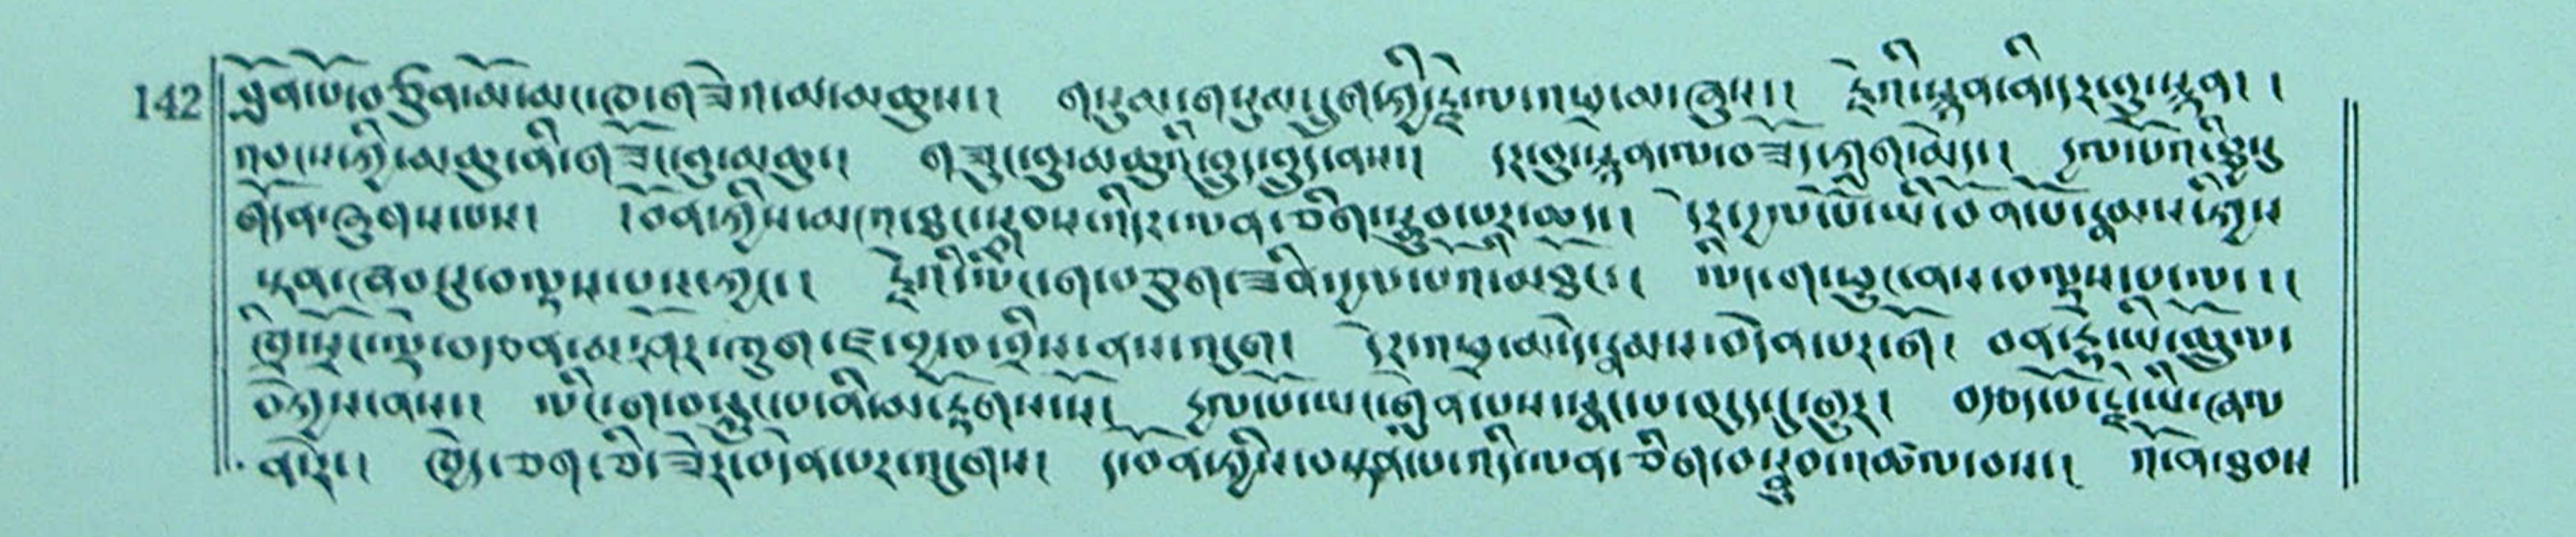བློན་པོ་བཙུན་མོ་མང་ཁ་གཟེ་མ་མཆུས། གསུམ་གསུམ་དྲུག་གིས་རྗེ་ལ་ཕྲ་མ་ཞུས། རྗེའི་སྙན་ནི་དར་བུ་སྙན། 
འབངས་ཀྱི་མཆུ་ནི་གཟོང་བུ་མཆུ། གཟུང་བུ་མཆུའི་བྲུད་བྲུད་ནས། དར་བུ་སྙན་ལ་བཟོད་གླག་མེད། རྒྱལ་བོའི་ཐུགས་སུ་
གདོན་ཞུགས་པས། བོན་གྱི་མངའ་ཐང་སྐབས་འདིར་ལན་གཅིག་སྣུབ་པར་ཆད། དེར་རྒྱལ་པོ་ཡི་བློན་པོ་རྣམས་ཀྱིས་
སྟན་ཞབས་སུ་བལྟས་པས་ཀྱང་། རྗེའི་ལིང་ག་བཅུག་ཟིན་རྒྱལ་པོའི་མཐོང་། ལིང་ག་ཕྱུང་ནས་བལྟས་པ་ལ། 
ཁྲི་སྲོང་ལྡེ་བཙན་མ་ཤོར་ཁུག་ཛ་བྱ་བ་བྲིས་ནས་འདུག དེར་ཕྲ་མ་དེ་རྣམས་བདེན་པར་གོ བན་དྷེ་ཡིས་ཆོ་འཕྲུལ་
བཀྱེས་ནས། ལིང་ག་བསྐུང་པ་ནི་མ་རྟོགས་སོ། །རྒྱལ་བོ་ཡང་གླེན་པས་སྣང་བ་བདུད་དུ་གྱུར། བཙད་པོ་རྗེའི་ཞལ་
ན་རེ། ཁྱེད་ཅག་ཅི་ཟེར་བདེན་པར་འདུགས། ད་བོན་གྱི་བསྟན་པ་འདི་ལན་གཅིག་བསྣུབས་འཚལ་བས། འོ་ན་ཐབས་